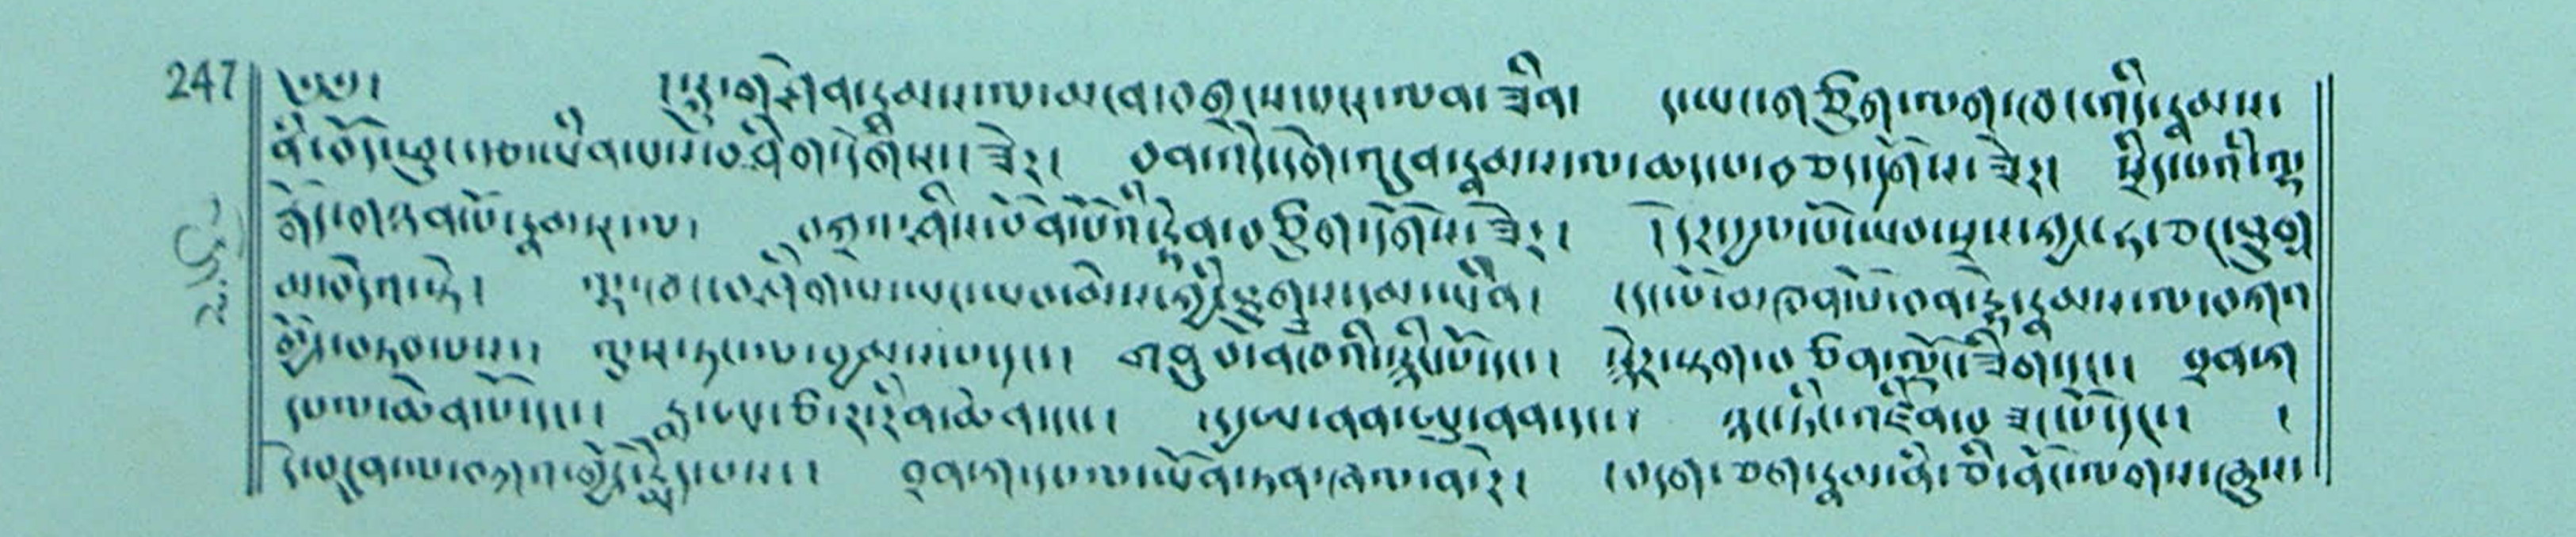༄༅། །སྐུ་གཤེན་རྣམས་ལ་མངན་བགྲངས་པས་ལན་ཟིན། ད་ཡང་གཙུག་ལག་ཁང་འདི་རྣམས་
ནི་བོད་ཕུང་རྩ་བ་ཡིན་པས་བཤིགས་དགོས་ཟེར། བན་དྷེ་དགེ་འདུན་རྣམས་ལ་ཆད་པ་བཅད་དགོས་ཟེར། སྲིད་པའི་ལྷ་
རྒོད་གཉན་པོ་རྣམས་ལ། བཀྲའ་ཤིས་བོན་པོའི་རྟེན་བཙུགས་དགོས་ཟེར།.དེར་རྒྱལ་བོ་ཡབ་སྲས་ཀྱང་ཧ་ཅང་ཐུགས་
མ་བདེ་སྟེ། ལྷ་ཁང་བཤིགས་པ་ཡང་ཡབ་མྱེས་ཀྱི་ཐུགས་དམ་ཡིན་པས། དང་པོ་མཁན་པོ་བན་དྷེ་རྣམས་ལ་བཀའ་
གྱོད་བཏབ་པས། ལུས་ཏང་ལ་བྱམས་པ་དང་། གནུབས་ནམ་མཁའི་སྙིང་པོ་དང་། སྙེར་སྟག་བཙན་ལྡོང་གཟིགས་དང་། བྲན་ཀ་
དཔལ་ཆེན་པོ་དང་། རྨ་ཨ་ཙ་ར་རིན་ཆེན་དང་། རྒྱ་ཨ་ནན་ཨུ་ནན་དང་། ཉང་ཏིང་འཛིན་བཟང་པོ་དང་། 
དེ་བདུན་ལ་བཀའ་གྱོད་རྨེད་པས། བྲན་ཀ་དཔལ་ཡོན་ཏན་ཞལ་ན་རེ། བདག་ཅག་རྣམས་ནི་ཅི་ནོང་ལགས་ཞུས་